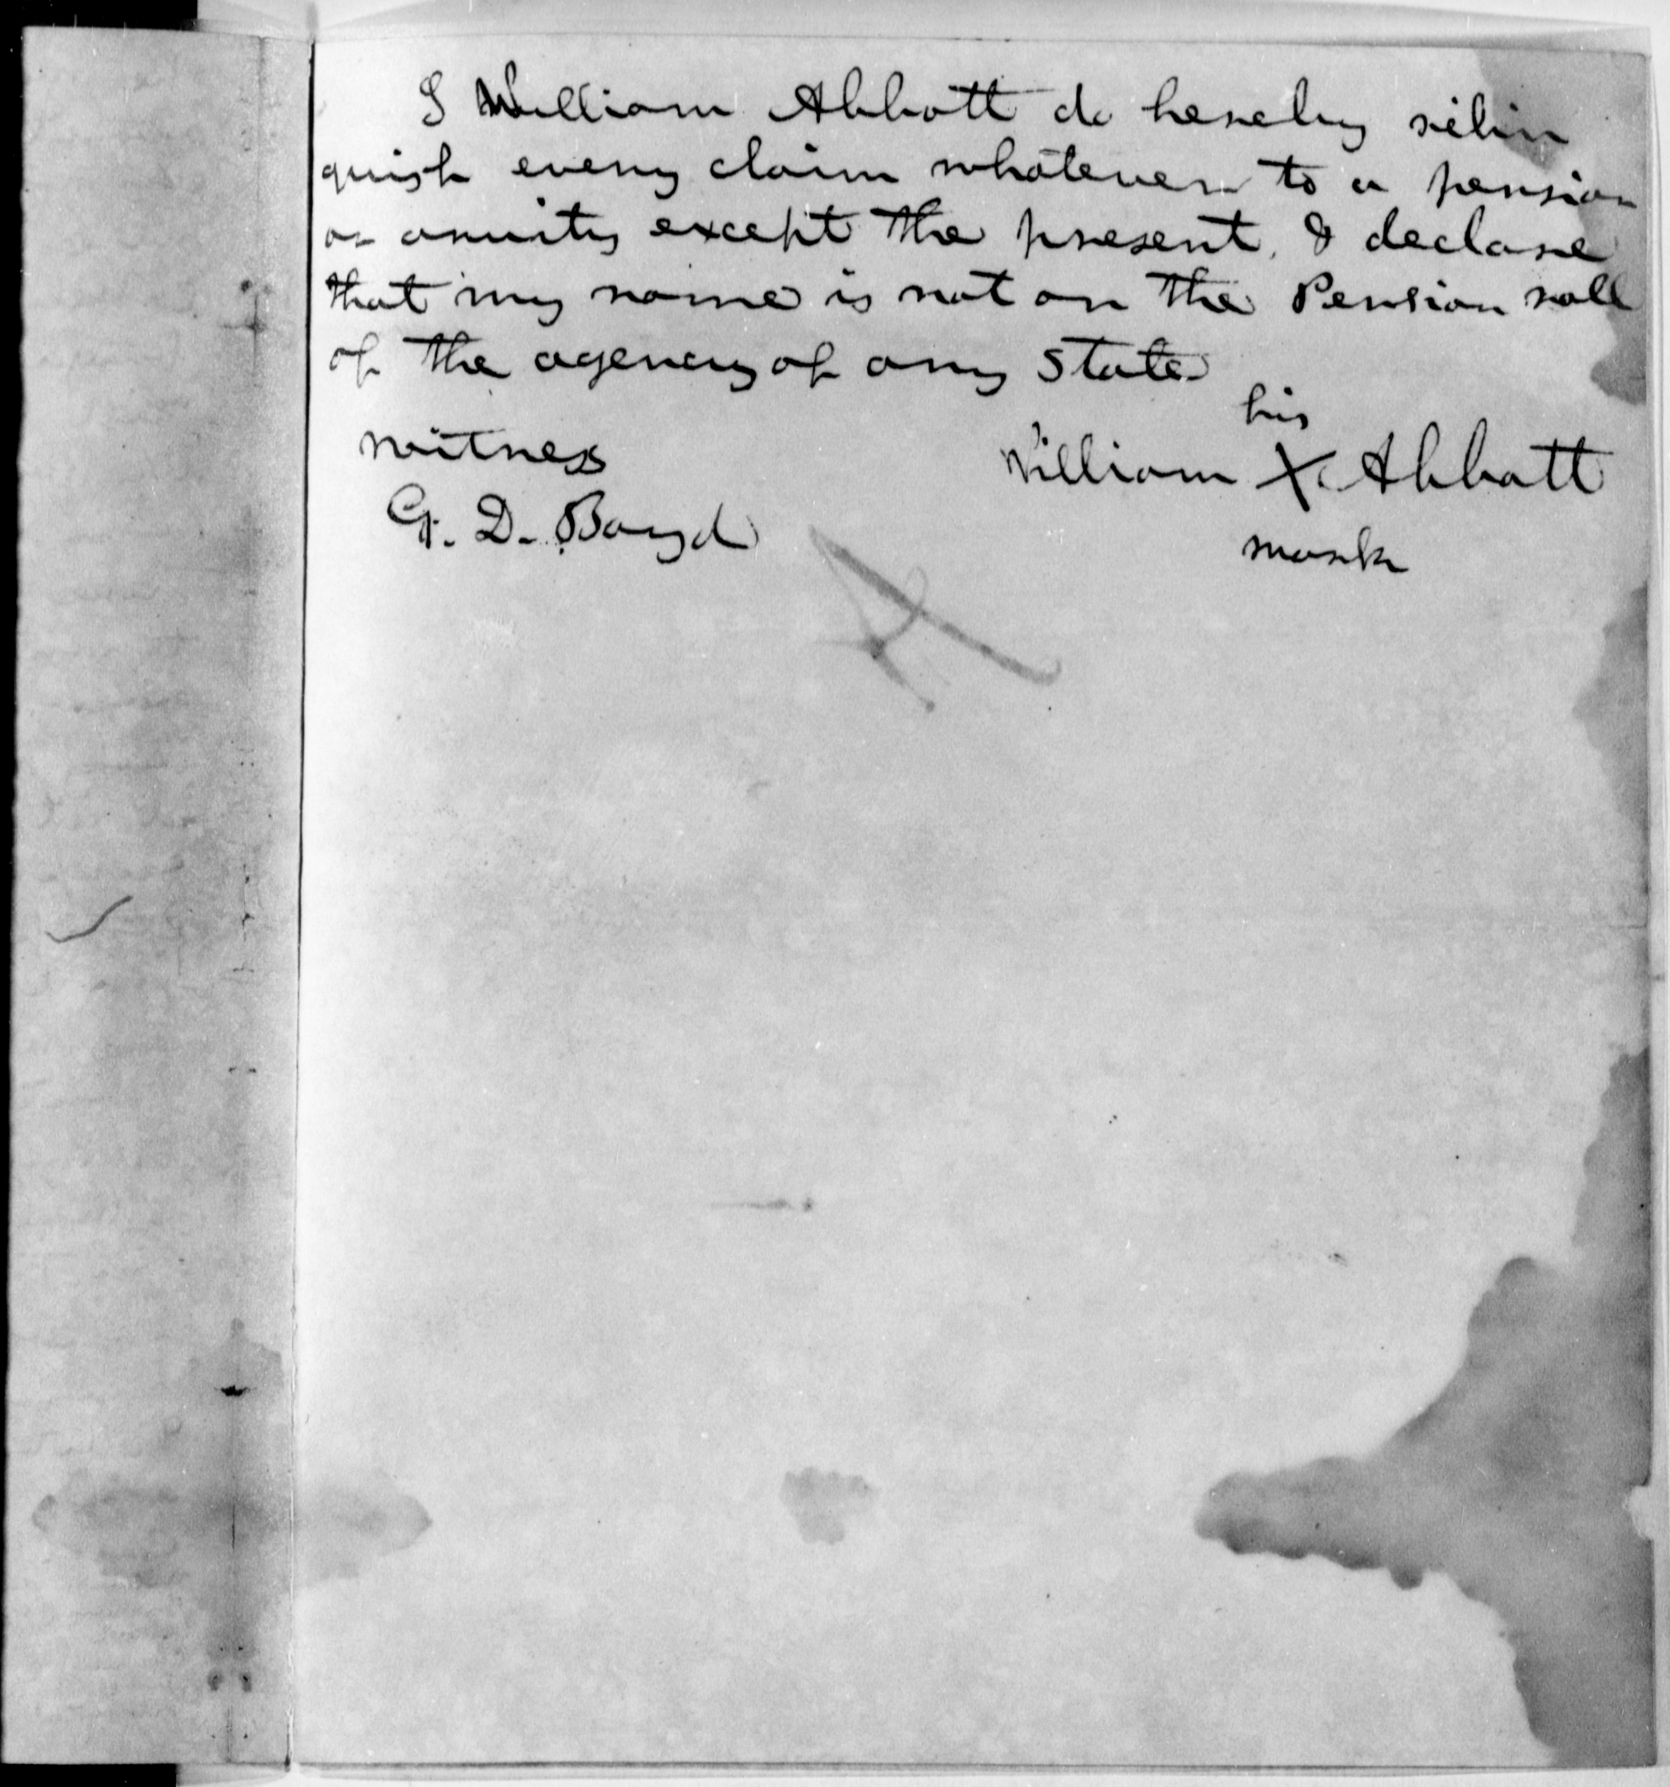I William Abbott do hereby relinquish every claim whatever to a pension or annuity except the present, & declare that my name is not on the pension roll of the agency of any State
William Abbott his mark X
Witness
G. D. Boyd

[A from reverse side]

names: William Abbott, G D Boyd, William Abbott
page: 26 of 38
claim: survivor's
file: S. 30. 239, William Abbott, S.C.